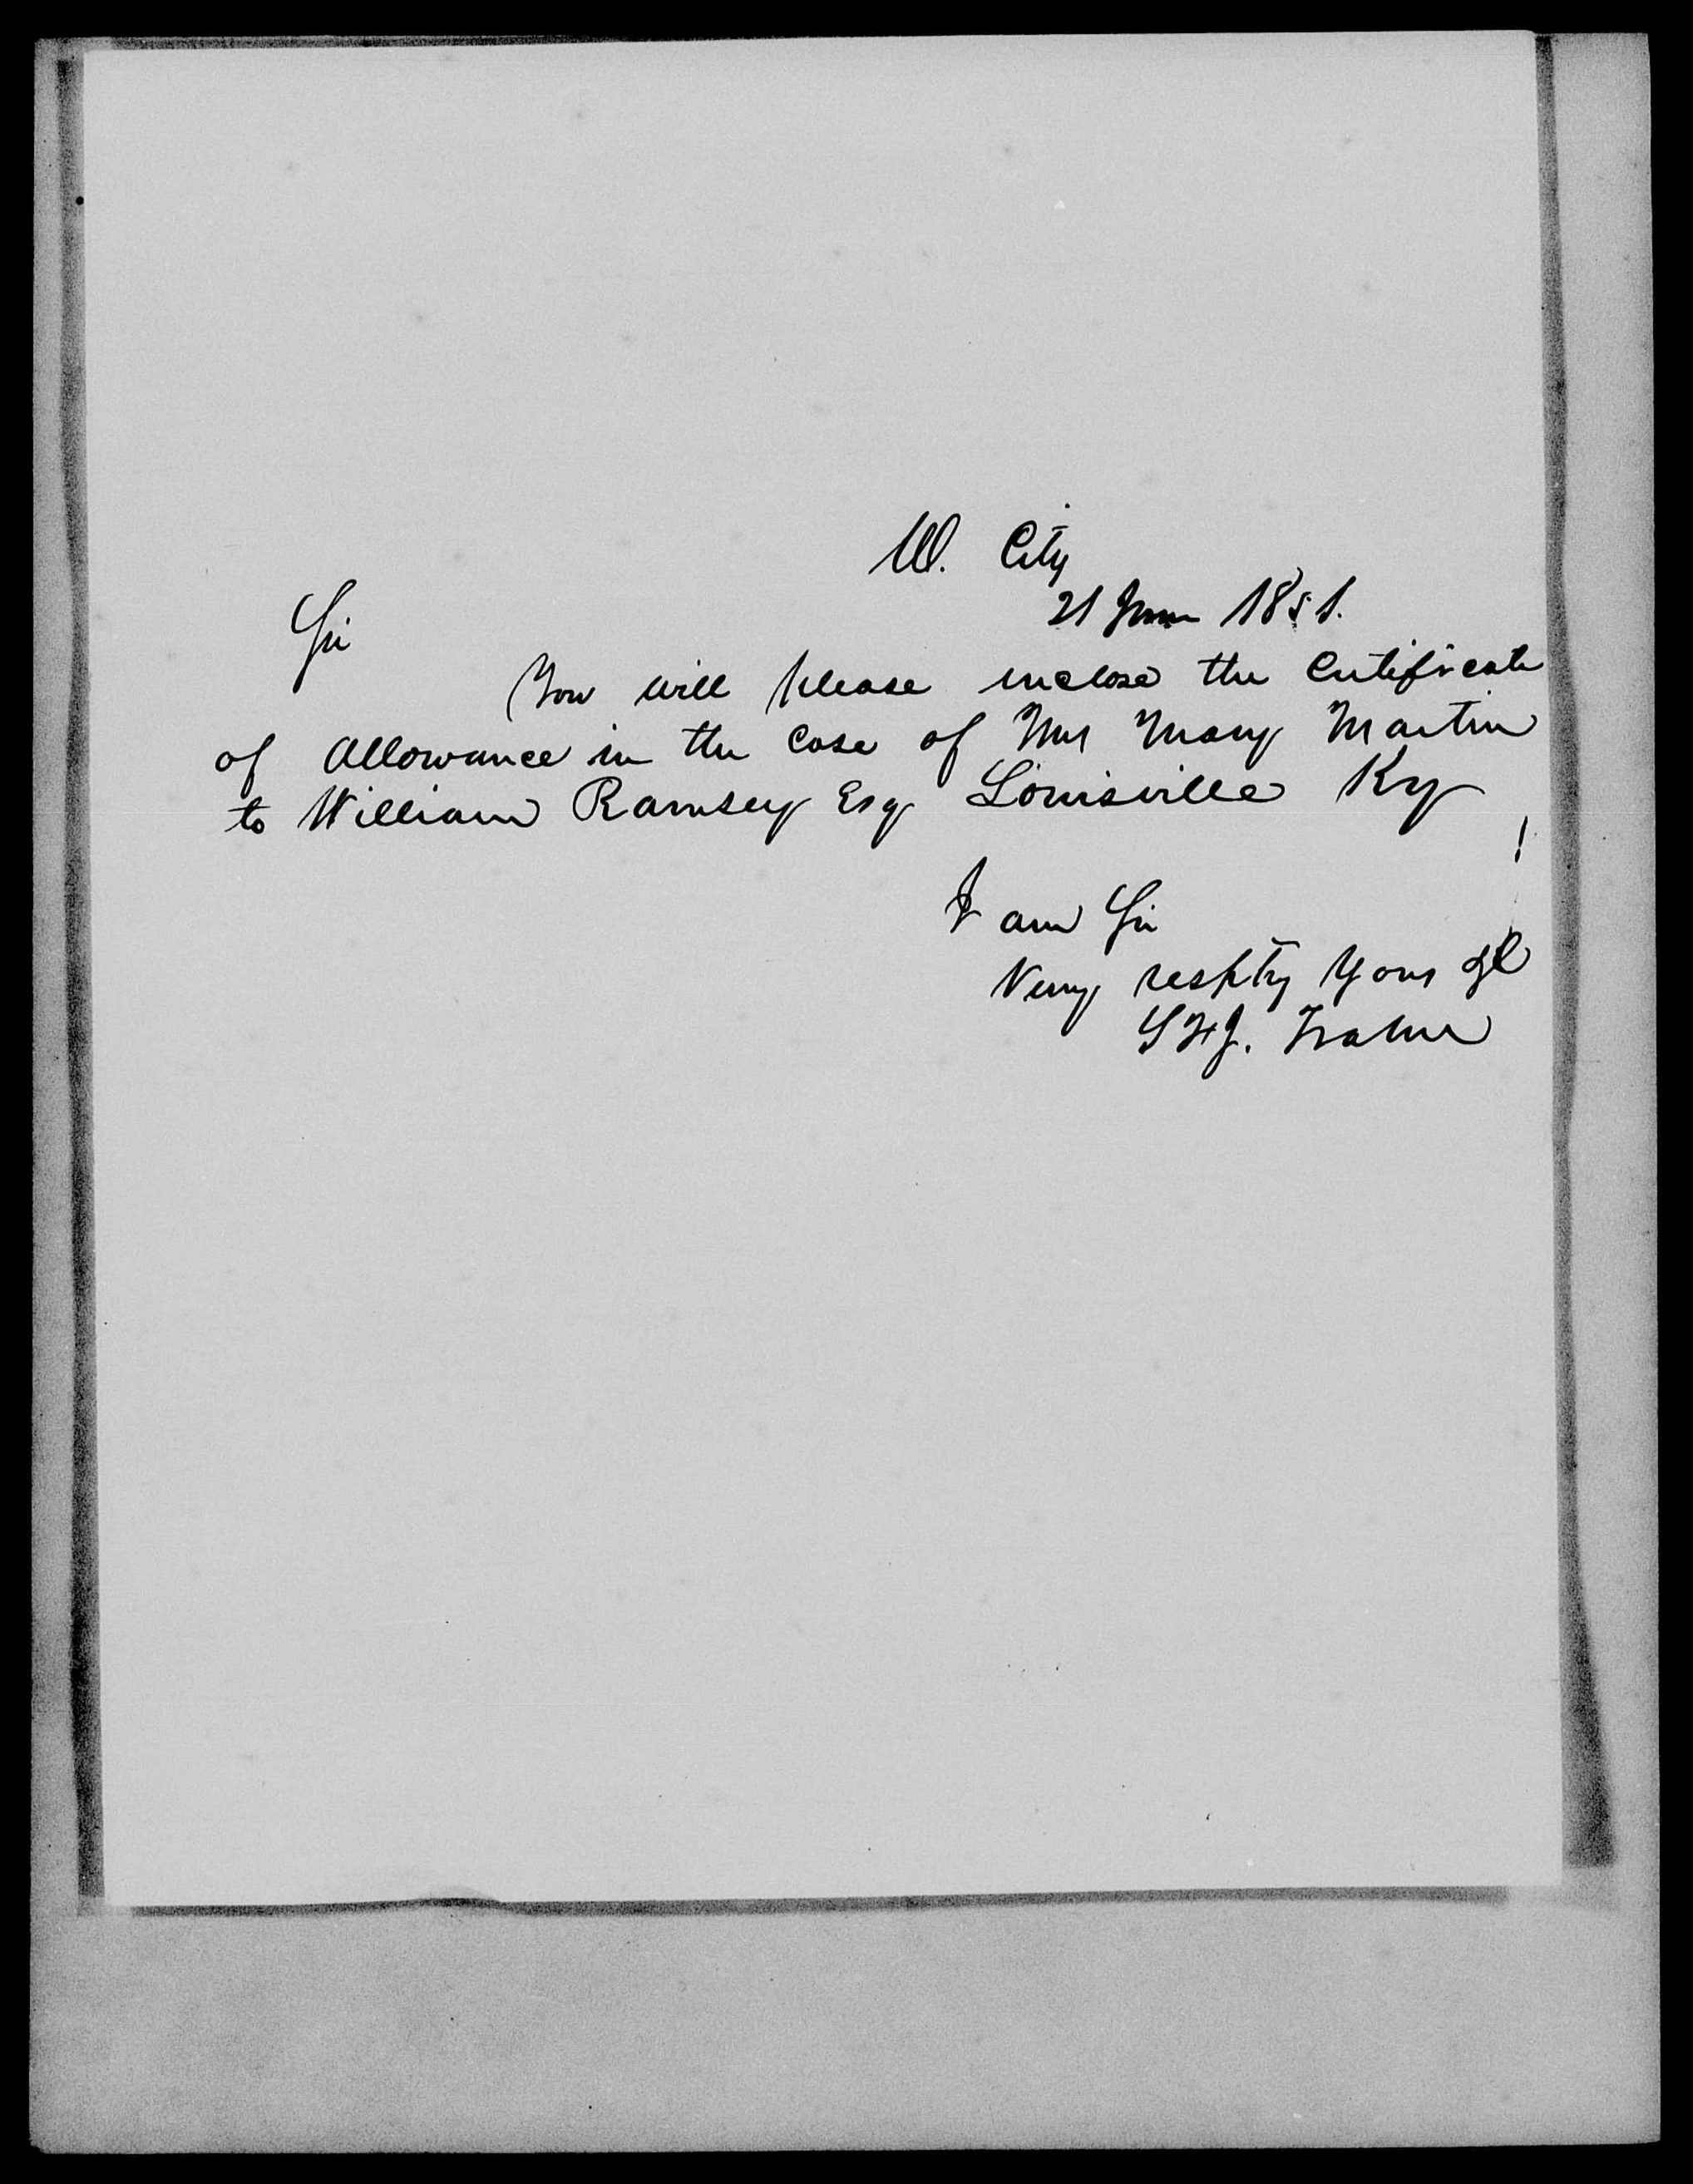W. City
21 June 1854.
Sir
You will please enclose the certificate
of allowance in the case of Mrs Mary Martin
to William Ramsey Esq Louisville Ky
I am Sir
Very respty Your [illegible
L H J. Trabue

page: 50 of 120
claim: widow's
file: W. 1044, for Salathiel Martin, North Carolina